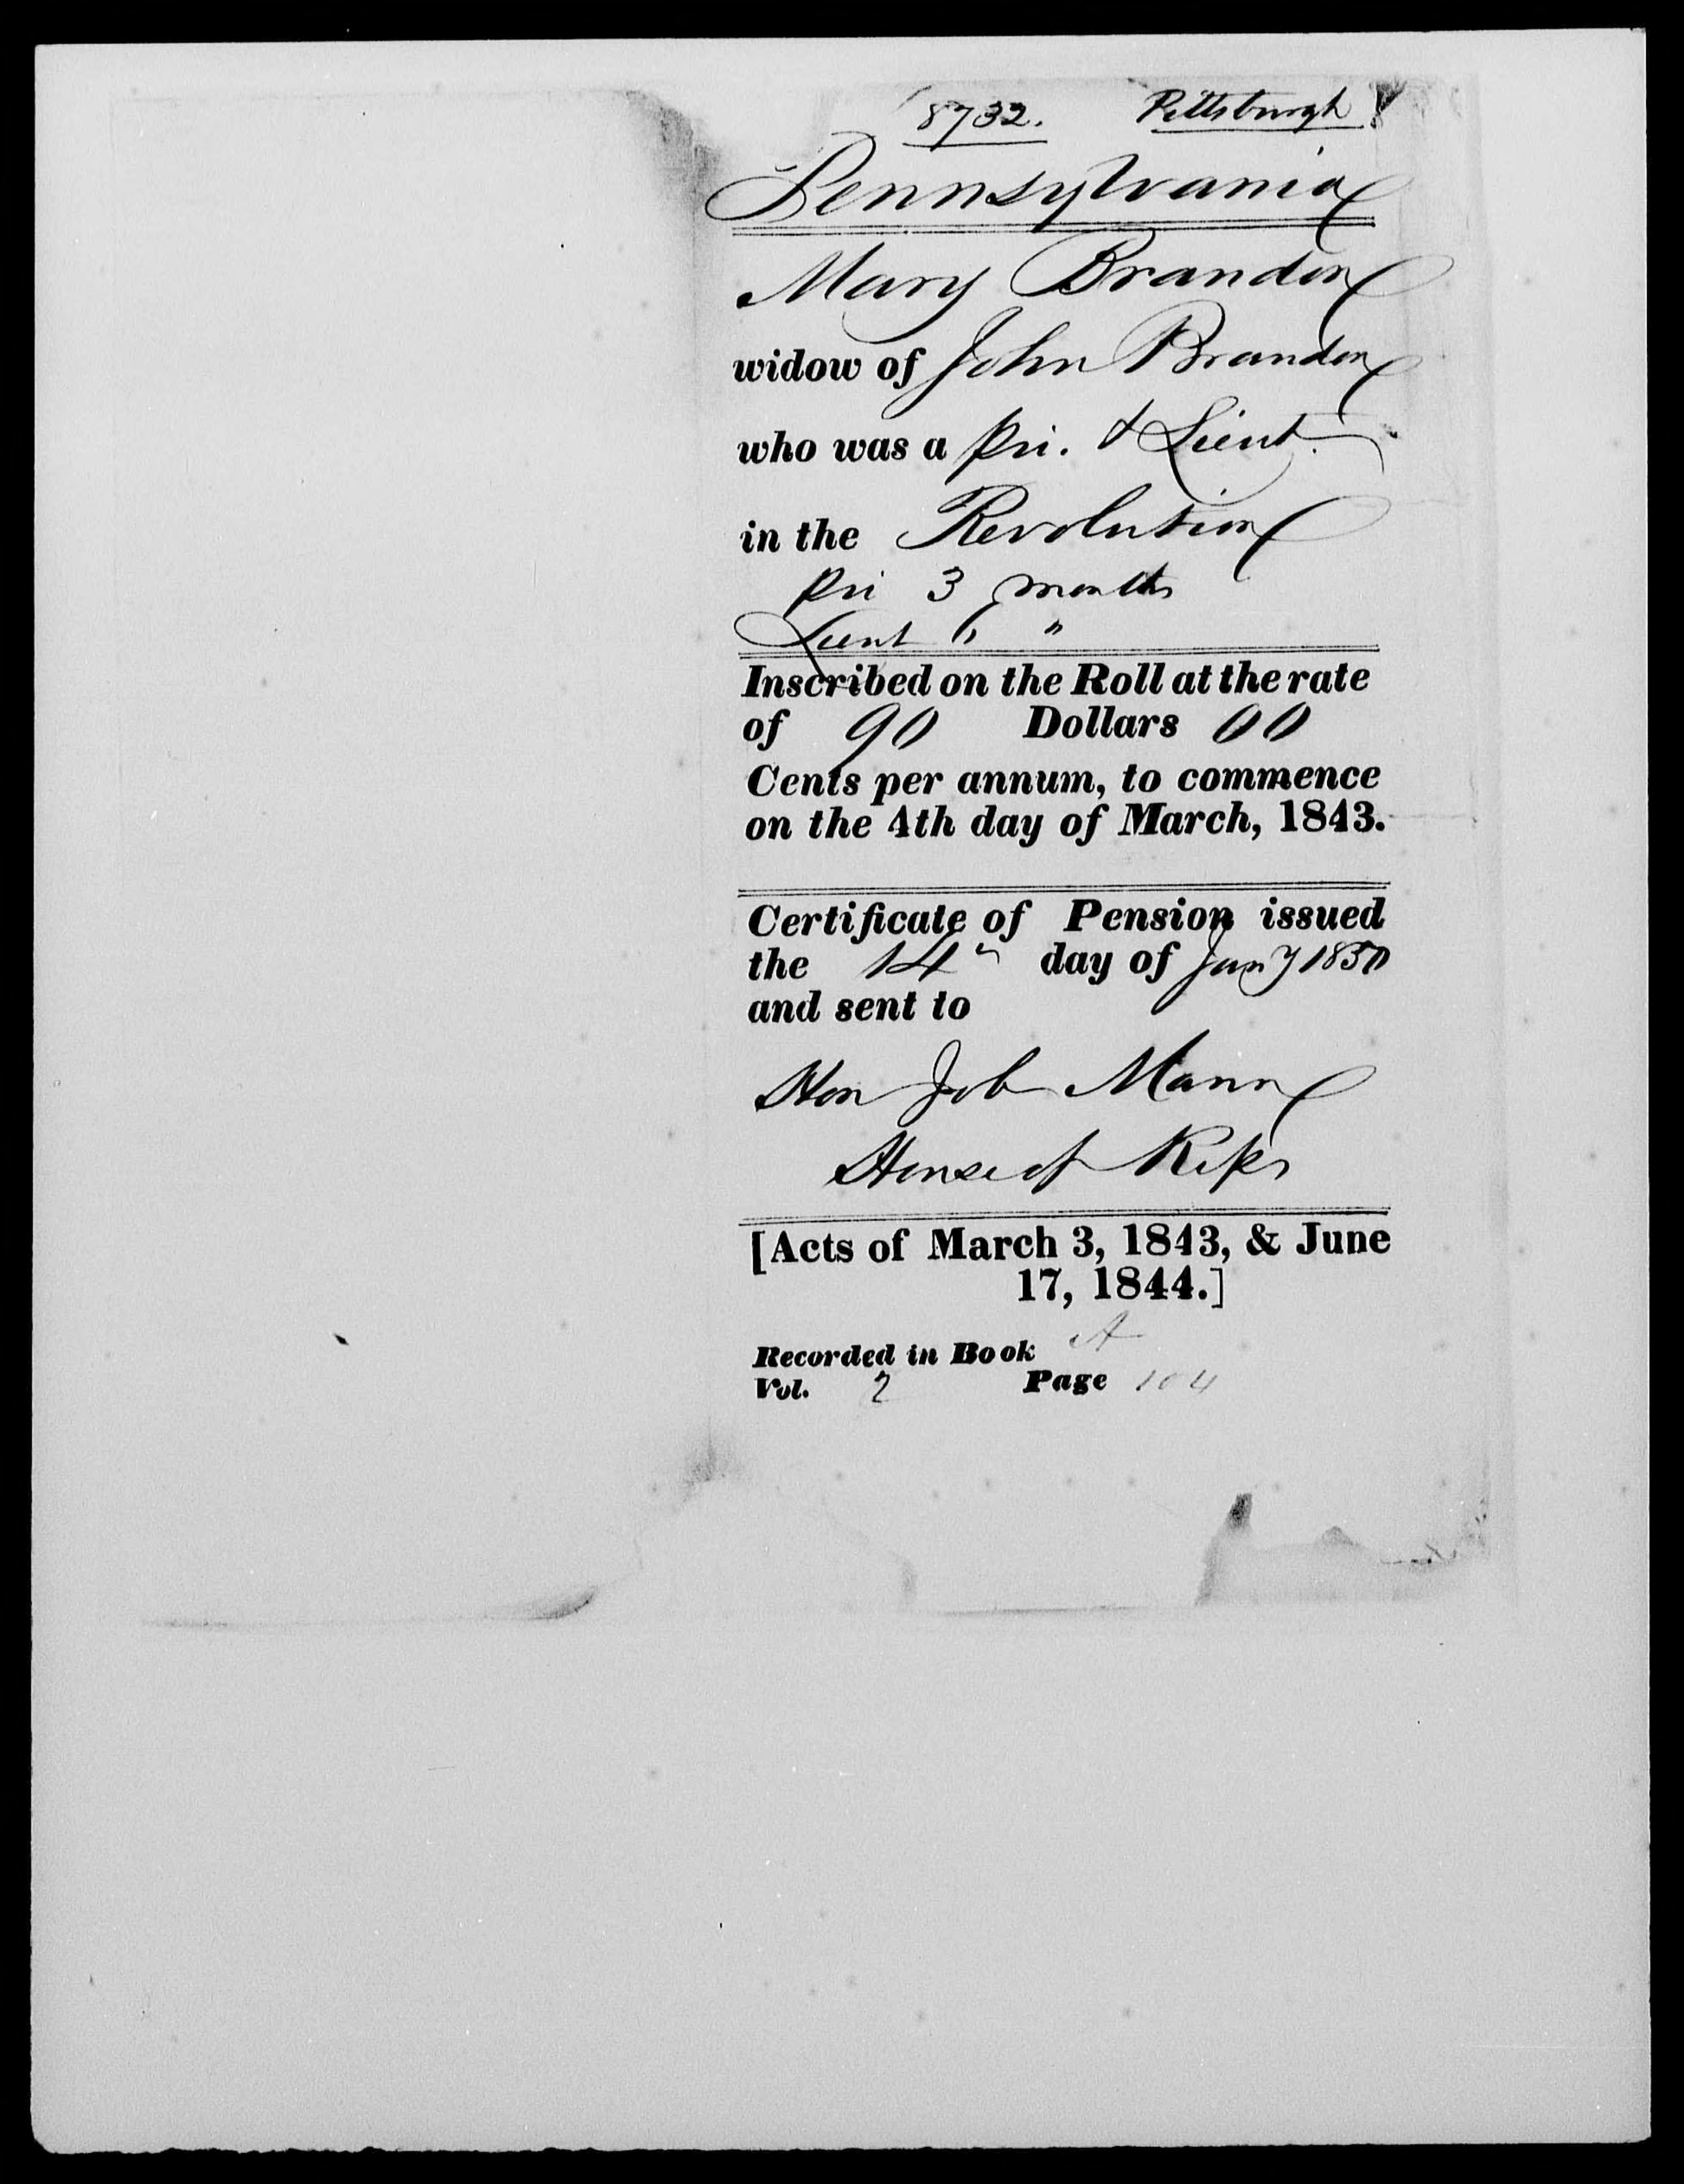8732. Pittsburgh
Pennsylvania
-
Mary Brandon widow of John Brandon who was a pri. & Lieut. in the Revolution Pri 3 months Lieut 6 "
-
Inscribed on the Roll at the rate of 90 Dollars 00 Cents per annum, to commence on the 4th day of March, 1843.
-
Certificate of Pension issued the 14th day of July 1830 and sent to Hon Job Mann House of Rep
-
[Acts of March 3, 1843, & June 17, 1844.]
Recorded in Book A
Vol. 2 Page 104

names: John Brandon, Job Mann, Mary Brandon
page: 46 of 83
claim: widow's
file: W. 5946, John Brandon, Penn